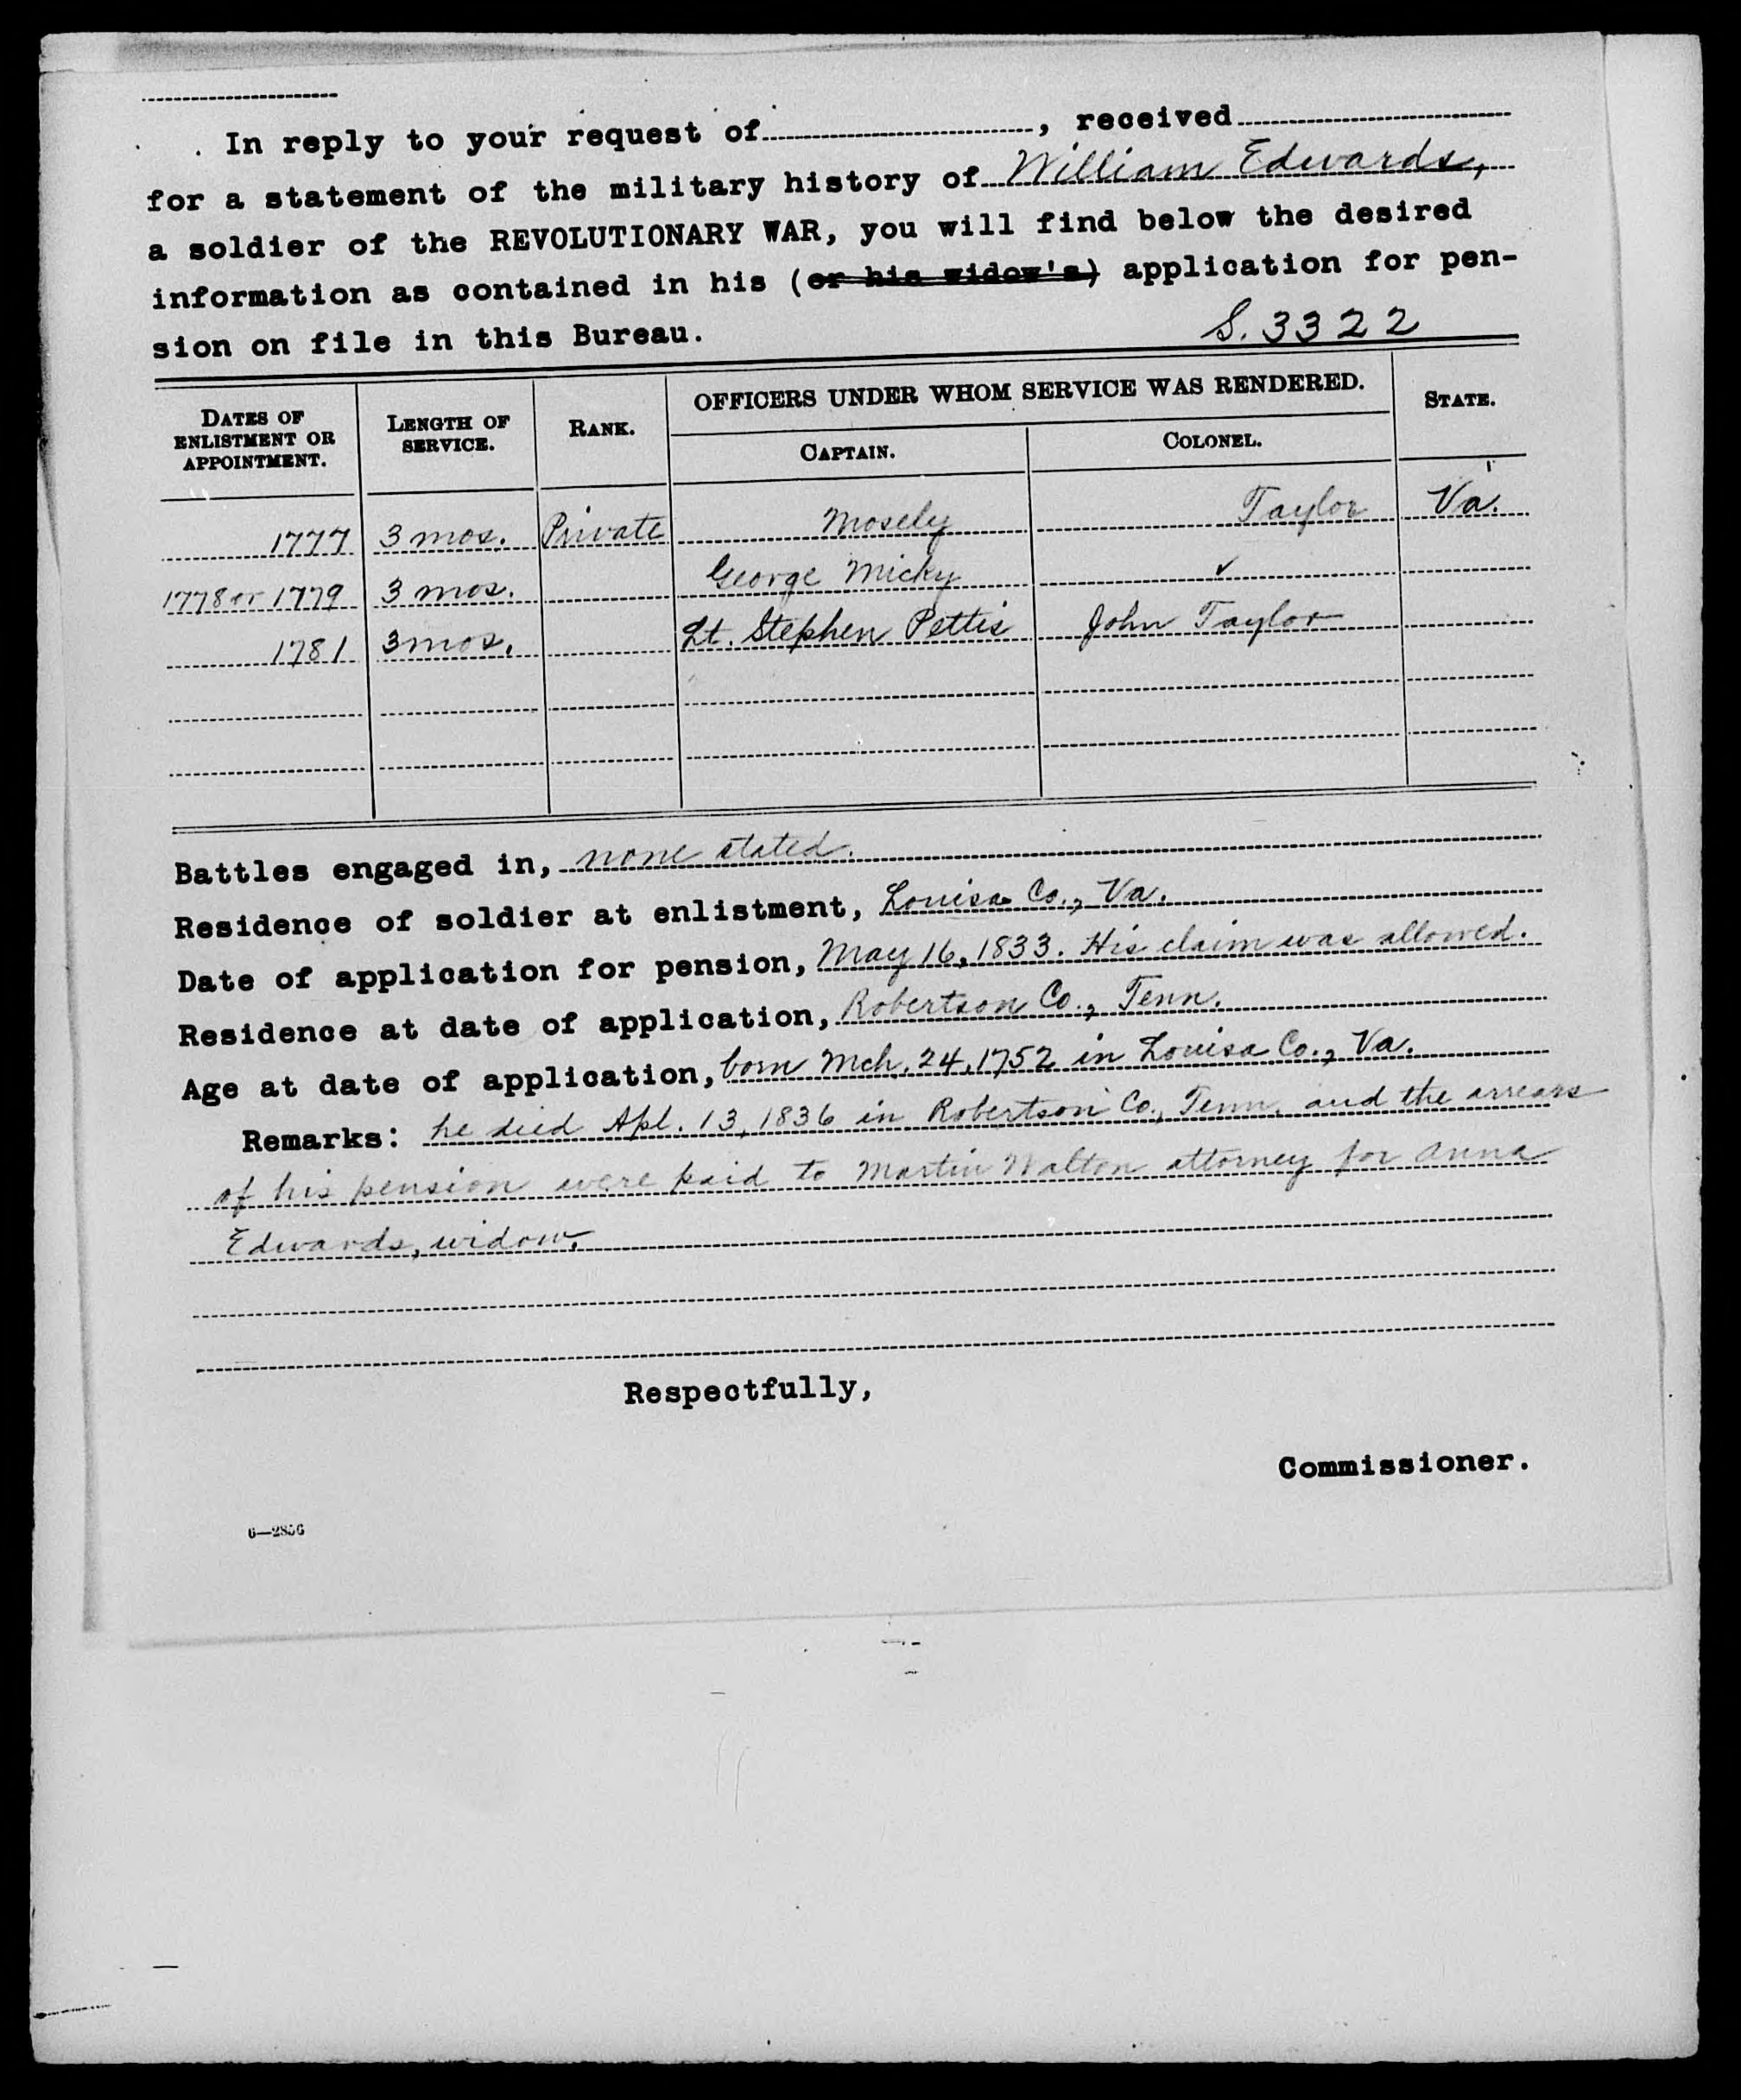In reply to your request of __________, received ______ for a statement of the military history of William Edwards, a soldier of the REVOLUTIONARY WAR, you will find below the desired information as contained in his application for pension on file in this Bureau. S. 3322

DATES OF ENLISTMENT OR APPOINTMENT.
[1] 1777
[2] 1778 or 1779
[3] 1781
LENGTH OF SERVICE.
[1] 3 mos.
[2] 3 mos.
[3] 3 mos.
RANK.
Private
OFFICERS UNDER WHOM SERVICE WAS RENDERED.
CAPTAIN.
[1] Mosely
[2] George Micky
[3] Lt. Stephen Pattis
COLONE.
[1] Taylor
[2] [checkmark]
[3] John Taylor
STATE.
Va.

Battles engaged in, none stated.
Residence of soldier at enlistment, Louisa Co., Va.
Age at date of application, born Mch. 24, 1752 in Louisa Co., Va.
Remarks: He died Apl. 13, 1836 in Robertson Co. Tenn, and the arrears of his pension were paid to Martin Walton attorney for Anna Edwards, widow.

Respectfully,
Commissioner.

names: Martin Walton, William Edwards, John Taylor, George Micky, Stephen Pettis, Taylor, Anna Edwards, Mosely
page: 32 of 47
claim: survivor's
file: S. 3,322, William Edwards, Va.